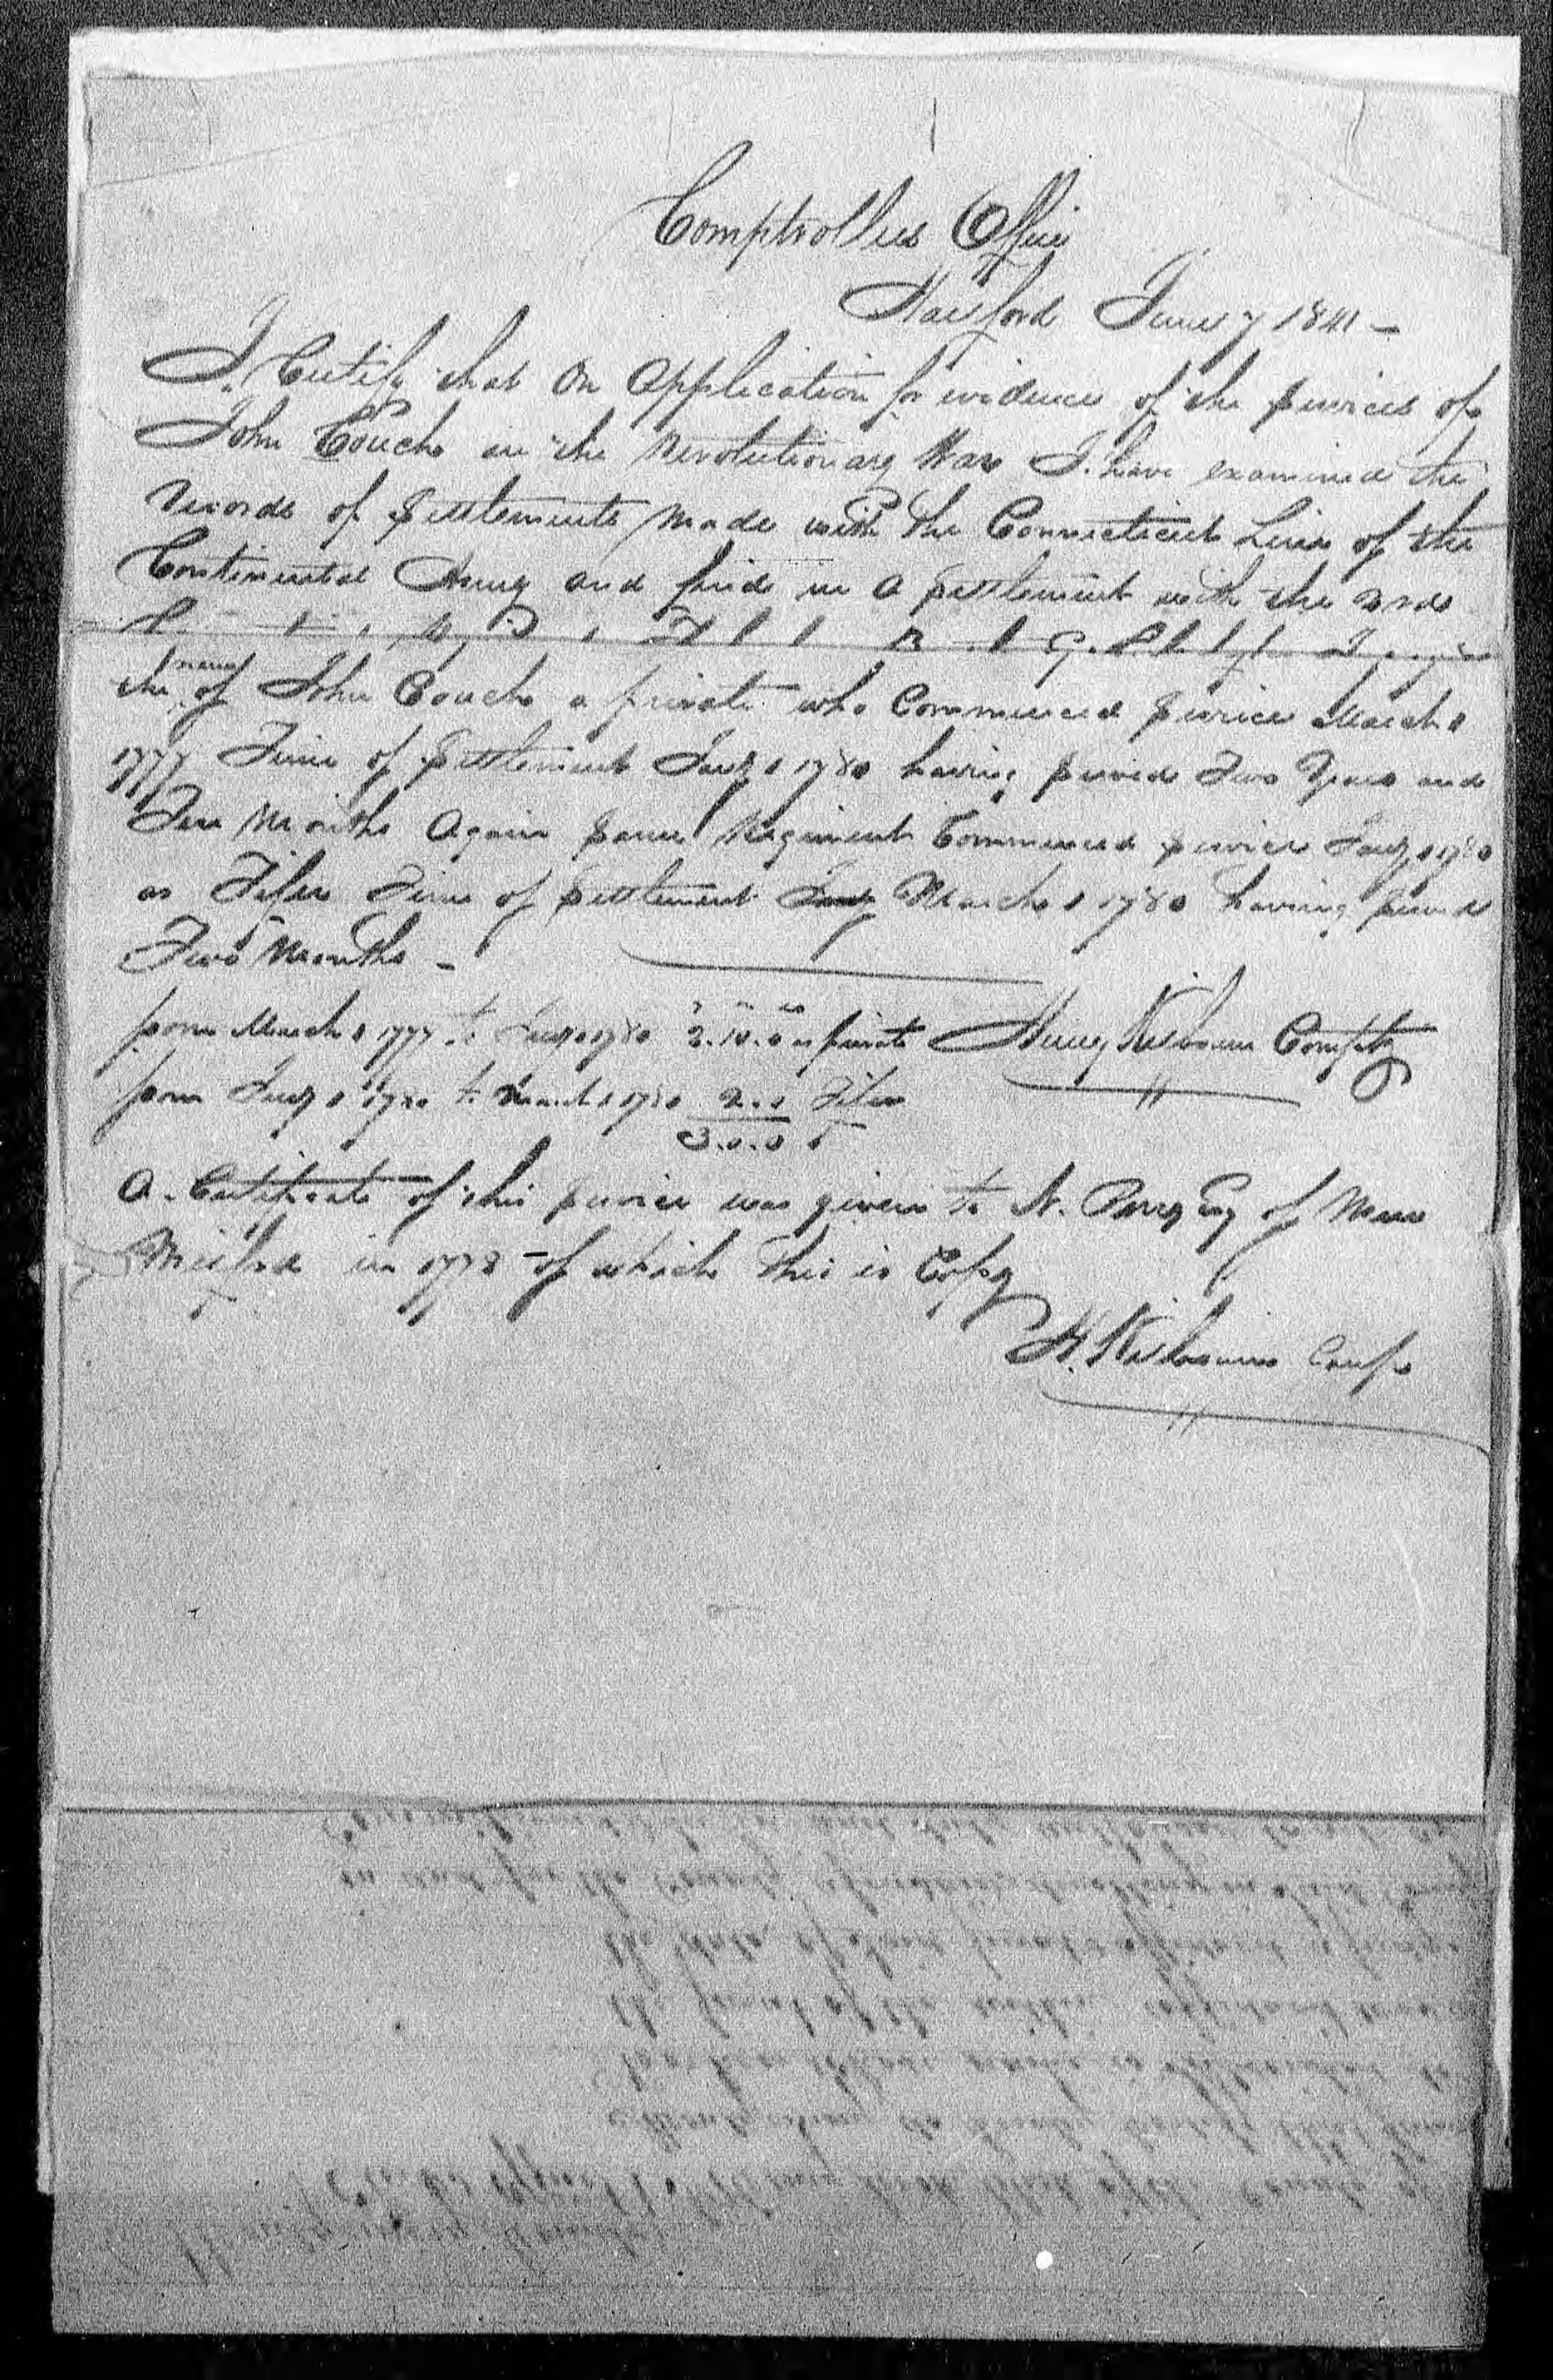Comptrollers Office
Hartford June 7, 1841
I certify that on application for evidence of the services of John Couch in the Revolutionary War, I have examined the words of settlements made with the Connecticut Line of the Continental Army and find in a settlement with the 2nd
[whole line is unreadable]
of John Couch a private who commenced service March 1777 Time of settlement July 1 1780 having served two years and ten months again same Regiment commenced service Jany 1780 as Fifier Term of settlement March 1 1780 having served two months.
Henry Kilbourn Compt

from March 1777 to Jany 1780 3.10.0 as private
from July 1780 to March 1780  2.0 Fifer
                                                  1.0.0
a certificate of this service was given to N. Percy Esq of New Milford in 1778 of which this is copy.
H. Kilbourn Comp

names: John Couch, N Parry, Henry Kilbourn, H Kilbourn, John Couch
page: 24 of 68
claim: rejected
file: R. 2,360, John Couch, Conn.